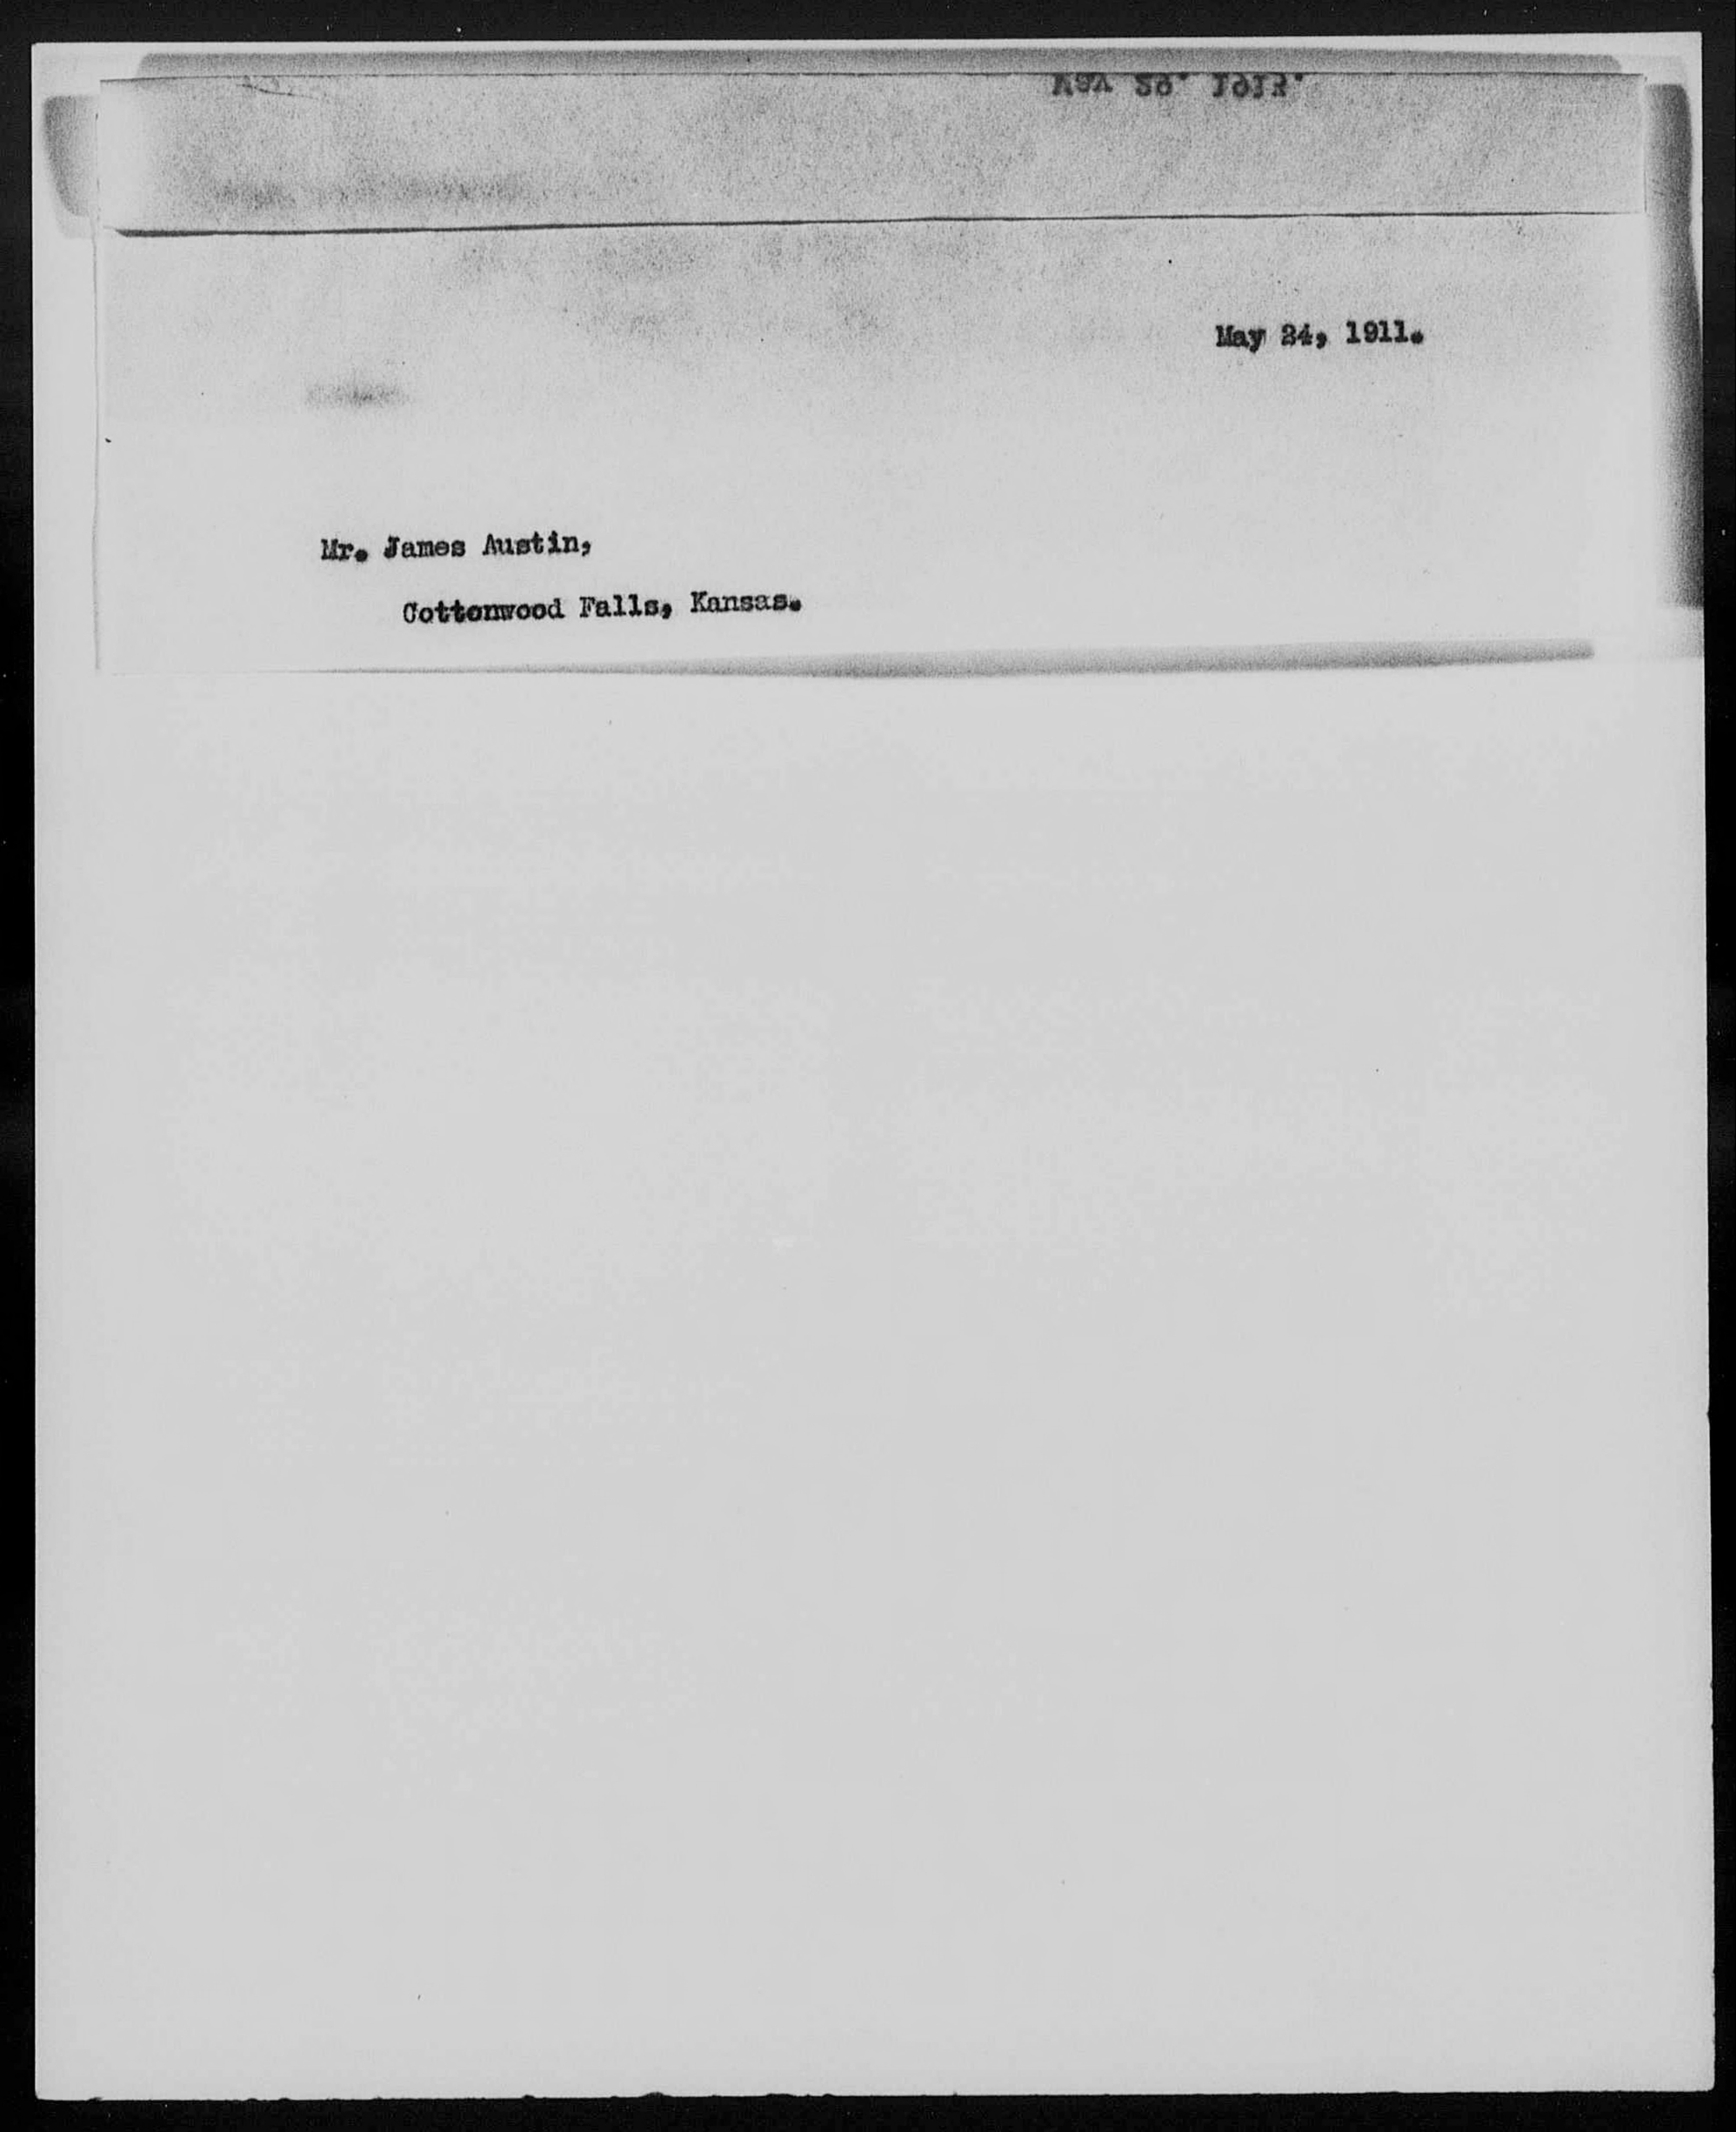May 24, 1911.
Mr. James Austin,
Cottonwood Falls, Kansas.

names: James Austin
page: 36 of 100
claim: survivor's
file: S 19186, James Austin, Conn. New York R.I.